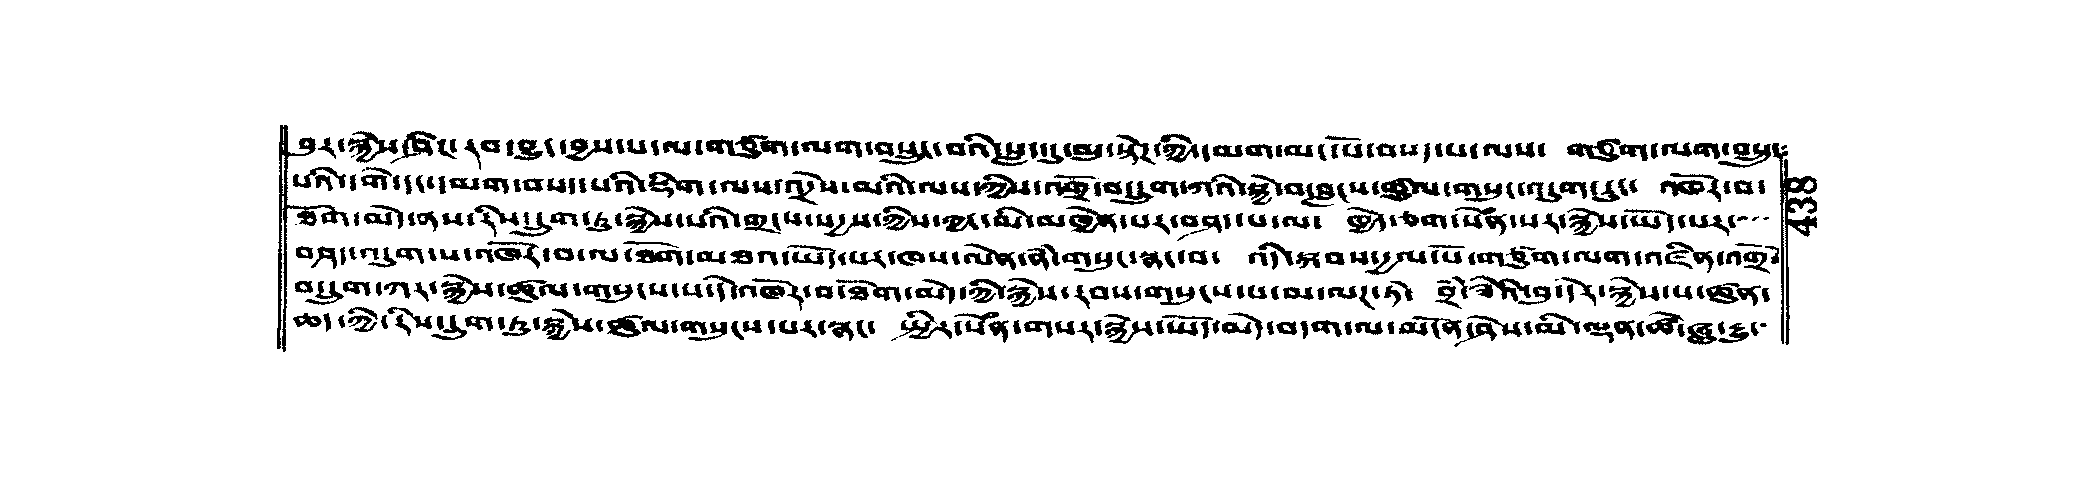བུར་སྐྱེས་ཤིང་རབ་བྱུང་བྱས་པ་ལ་གཙུག་ལག་བསྲུང་བའི་སླད་དུ་མུ་སྟེགས་ཀྱི་དམག་མང་པོ་བསད་པ་ལས། གཙུག་ལག་བསྲུངས་
པའི་དགེ་བ་དང་དམག་བསད་པའི་སྡིག་ལས་འདྲེས་མའི་ལས་ཀྱིས་འགྲོ་བ་དྲུག་ཀའི་སྐྱེ་བ་བླངས་ཚུལ་གསུངས་འདུག་རུང་། འཁོར་བ་
ཐོག་མེད་ནས་རིགས་དྲུག་ཏུ་སྐྱེས་པའི་གྲངས་སངས་རྒྱས་ཀྱིས་ཀྱང་མི་མཁྱེན་པར་བཤད་པ་ལ། ཁྱེད་ཅག་སེམས་ཅན་སར་སྐྱེས་ཡོད་པར་
བཤད་འདུག་པ་འཁོར་བ་ལ་ཐོག་མཐའ་ཡོད་པར་ཁས་ལེན་ནམ་གསུང་སྣང་བ། འདི་སྐབས་རྒྱལ་པོ་གཙུག་ལག་འཛིན་འགྲོ་
བ་དྲུག་ཀར་སྐྱེས་ཚུལ་གསུངས་པ་དེ་འཁོར་བ་ཐོག་མེད་ཀྱི་སྐྱེས་རབས་གསུངས་པ་མ་ལགས་ཏེ། བྲམ་ཟེའི་བུ་དེར་སྐྱེས་པ་ཚུན་
ཆད་ཀྱི་རགིས་དྲུག་ཏུ་སྐྱེས་ཚུལ་གསུངས་པར་སྣང་། སྤྱིར་སེམས་ཅན་གསར་སྐྱེས་ཡོད་མེད་བདག་ལ་མངོན་ཤེས་མི་ལྡན་ཚེ་ཞུ་རྒྱུ་